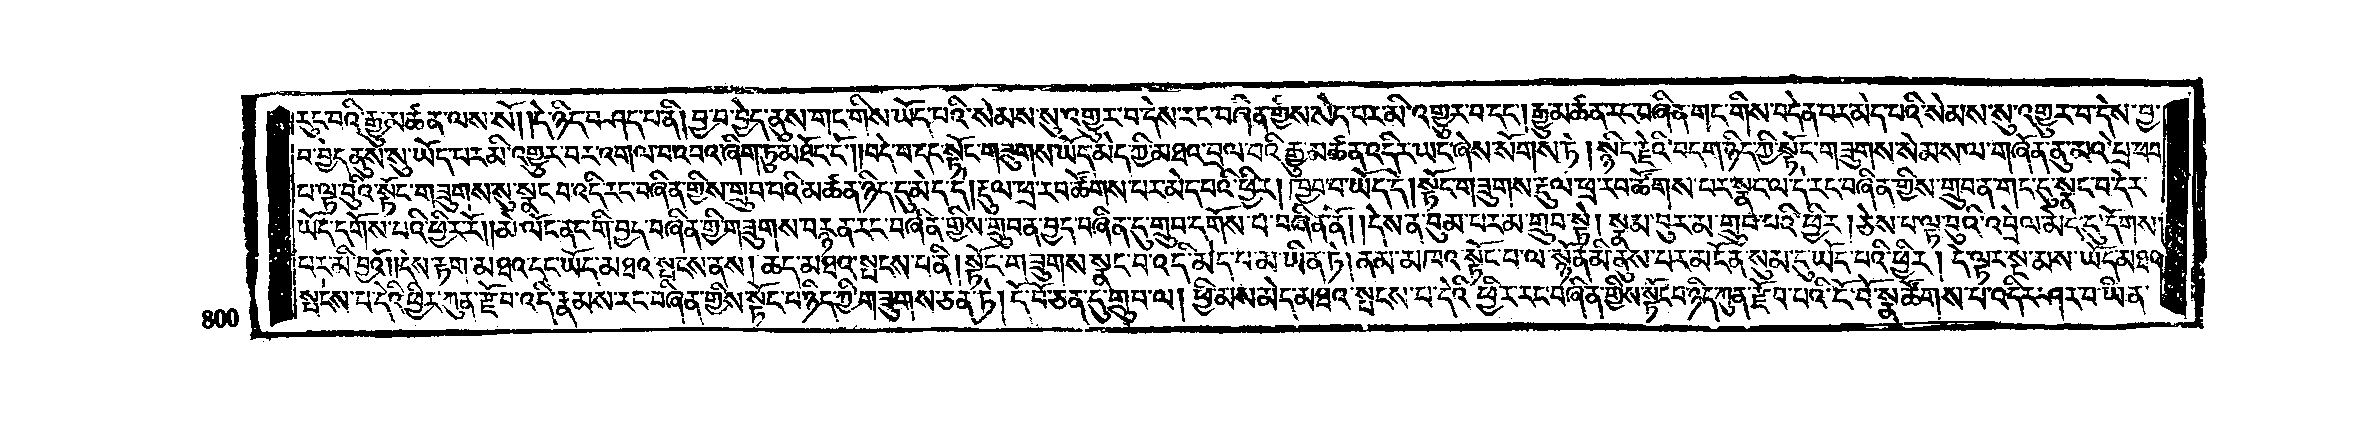རུང་བའི་རྒྱུ་མཚན་ལས་སོ། །དེ་ཉིད་བཤད་པ་ནི། བྱ་བ་བྱེད་ནུས་གང་གིས་ཡོད་པའི་སེམས་སུ་འགྱུར་བ་དེས་རང་བཞིན་གྱིས་སེད་པར་མི་འགྱུར་བ་དང་། རྒྱུ་མཚན་རང་བཞིན་གང་གིས་བདེན་པར་མེད་པའི་སེམས་སུ་འགྱུར་བ་དེས་བྱ་
བ་བྱེད་ནུས་སུ་ཡོད་པར་མི་འགྱུར་བར་འགལ་བ་འབའ་ཞིག་ཏུ་མཐོང་ངོ། །བདེ་བ་དང་སྟོང་གཟུགས་ཡོད་མེད་ཀྱི་མཐའ་བྲལ་བའི་རྒྱུ་མཚན་འདིར་ཡང་ཞེས་སོགས་ཏེ། སྙིང་རྗེའི་བདག་ཉིད་ཀྱི་སྟོང་གཟུགས་སེམས་ལ་གཞོན་ནུ་མའི་པྲ་ཕག་
པ་ལྟ་བུའི་སྟོང་གཟུགས་སུ་སྣང་བ་འདི་རང་བཞིན་གྱིས་གྲུབ་པའི་མཚན་ཉིད་དུ་མེད་དེ། རྡུལ་ཕྲ་རབ་ཚོགས་པར་མེད་པའི་ཕྱིར། ཁྱབ་པ་ཡོད་དེ། སྟོང་གཟུགས་རྡུལ་ཕྲ་རབ་ཚོགས་པར་སྣང་ལ་དེ་རང་བཞིན་གྱིས་གྲུབ་ན་གང་དུ་སྣང་བ་དེར་
ཡོད་དགོས་པའི་ཕྱིར་རོ། །མེ་ལོང་ནང་གི་བྱད་བཞིན་གྱི་གཟུགས་བརྙན་རང་བཞིན་གྱིས་གྲུབ་ན་བྱད་བཞིན་དུ་གྲུབ་དགོས་པ་བཞིན་ནོ། །དེས་ན་བུམ་པར་མ་གྲུབ་སྟེ། སྣམ་བུར་མ་གྲུབ་པའི་ཕྱིར། ཅེས་པ་ལྟ་བུའི་འབྲེལ་མེད་དུ་དོགས་
པར་མི་བྱའོ། །དེས་རྟག་མཐའ་དང་ཡོད་མཐའ་སྤངས་ནས། ཆད་མཐའ་སྤངས་པ་ནི། སྟོང་གཟུགས་སྣང་བ་འདི་མེད་པ་མ་ཡིན་ཏེ། ནམ་མཁའ་སྟོང་པ་ལ་སྙོན་མི་ནུས་པར་མངོན་སུམ་དུ་ཡོད་པའི་ཕྱིར། །དེ་ལྟ་སྔ་མས་ཡོད་མཐའ་
སྤངས་པ་དེའི་ཕྱིར་ཀུན་རྫོབ་འདི་རྣམས་རང་བཞིན་གྱིས་སྟོང་པ་ཉིད་ཀྱི་གཟུགས་ཅན་ཏེ། ངོ་བོ་ཅན་དུ་གྲུབ་ལ། ཕྱི་མས་མེད་མཐའ་སྤངས་པ་དེའི་ཕྱིར་རང་བཞིན་གྱིས་སྟོང་པ་ཉིད་ཀུན་རྫོབ་པའི་ངོ་བོ་སྣ་ཚོགས་པ་འདིར་ཤར་བ་ཡིན་